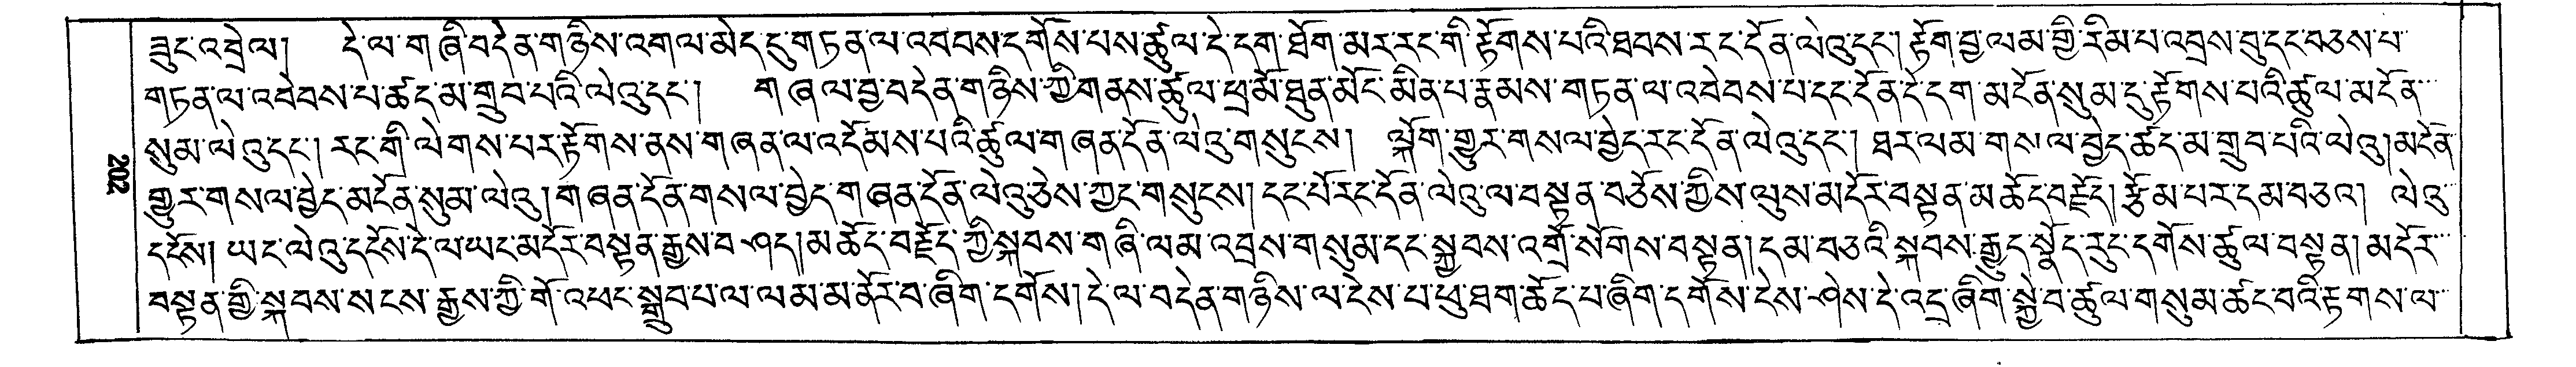ཟུང་འབྲེལ། དེ་ལ་གཞི་བདེན་གཉིས་འགལ་མེད་དུ་གཏན་ལ་འབེབས་དགོས་པས་ཚུལ་དེ་དག་ཐོག་མར་རང་གི་རྟོགས་པའི་ཐབས་རང་དོན་ལེའུ་དང་། རྟོག་བྱ་ལམ་གྱི་རིམ་པ་འབྲས་བུ་དང་བཅས་པ་
གཏན་ལ་འབེབས་པ་ཚད་མ་གྲུབ་པའི་ལེའུ་དང་། གཞལ་བྱ་བདེན་གཉིས་ཀྱི་གནས་ཚུལ་ཕྲ་མོ་ཐུན་མོང་མིན་པ་རྣམས་གཏན་ལ་འབེབས་པ་དང་དོན་དེ་དག་མངོན་སུམ་དུ་རྟོགས་པའི་ཚུལ་མངོན་
སུམ་ལེའུ་དང་། རང་གི་ལེགས་པར་རྟོགས་ནས་གཞན་ལ་འདོམས་པའི་ཚུལ་གཞན་དོན་ལེའུ་གསུངས། ལྐོག་གྱུར་གསལ་བྱེད་རང་དོན་ལེའུ་དང་། ཐར་ལམ་གསལ་བྱེད་ཚད་མ་གྲུབ་པའི་ལེའུ། མངོན་
གྱུར་གསལ་བྱེད་མངོན་སུམ་ལེའུ། གཞན་དོན་གསལ་བྱེད་གཞན་དོན་ལེའུ་ཅེས་ཀྱང་གསུངས། དང་པོ་རང་དོན་ལེའུ་ལ་བསྟན་བཅོས་ཀྱིས་ལུས་མདོར་བསྟན་མཆོད་བརྗོད། རྩོམ་པར་དམ་བཅའ། ལེའུ་
དངོས། ཡང་ལེའུ་དངོས་དེ་ལ་ཡང་མདོར་བསྟན་རྒྱས་བཤད། མཆོད་བརྗོད་ཀྱི་སྐབས་གཞི་ལམ་འབྲས་གསུམ་དང་སྐྱབས་འགྲོ་སོགས་བསྟན། དམ་བཅའི་སྐབས་རྒྱུད་སྣོད་རུང་དགོས་ཚུལ་བསྟན། མདོར་
བསྟན་གྱི་སྐབས་སངས་རྒྱས་ཀྱི་གོ་འཕང་སྒྲུབ་པ་ལ་ལམ་མ་ནོར་བ་ཞིག་དགོས། དེ་ལ་བདེན་གཉིས་ལ་ངེས་པ་ཕུ་ཐག་ཆོད་པ་ཞིག་དགོས་ངེས་ཤེས་དེ་འདྲ་ཞིག་སྐྱེ་བ་ཚུལ་གསུམ་ཚང་བའི་རྟགས་ལ་